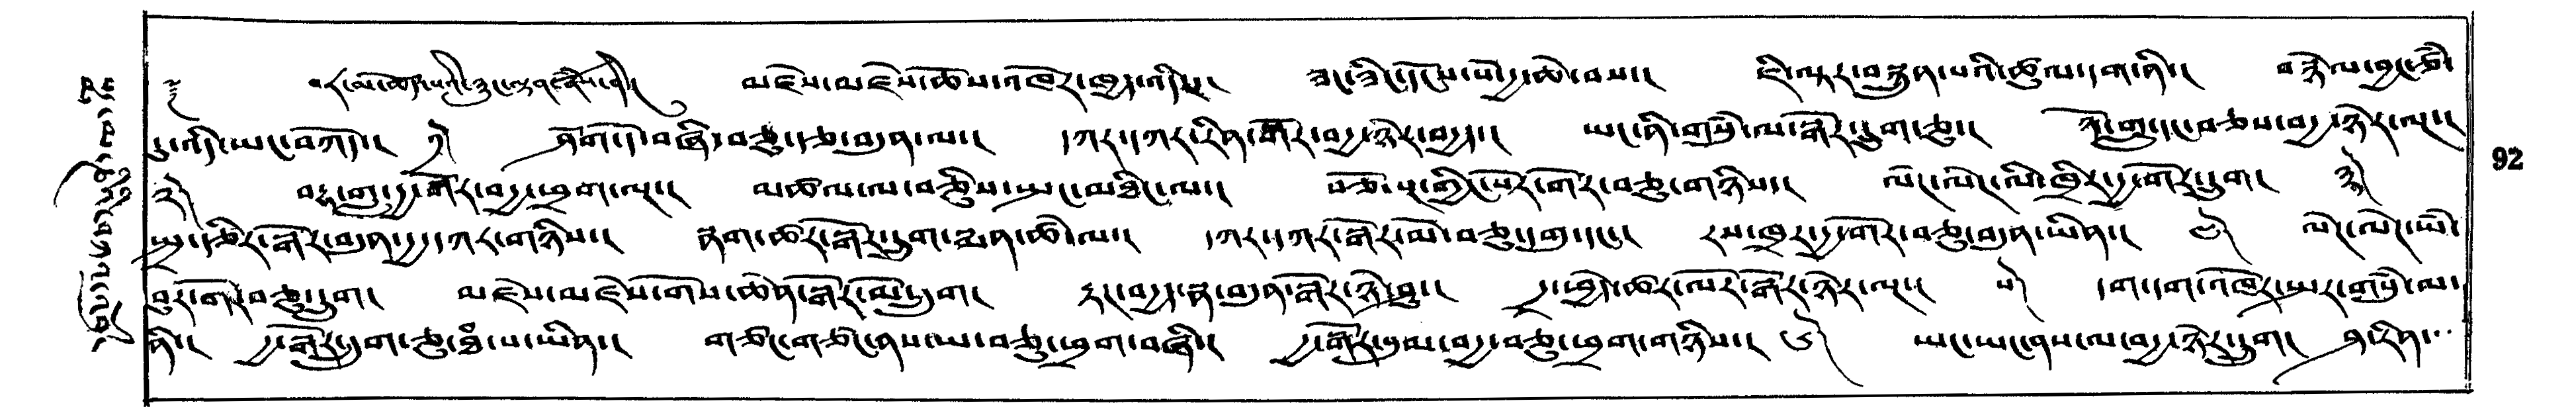༈ བར་མ་ཆོད་པའི་ཟུང་ལྡན་རྣམས་ནི། མཛེས་མཛེས་ཆོས་འཁོར་ཆེ་འདི་ལ། །ཟང་ཟིང་དངོས་པོ་རྒྱ་ཆེ་བས། །ཇི་ལྟར་བསྐྲུན་པའི་ཚུལ་དག་ནི། །བསྙེལ་བྱང་ཙམ་
དུ་འདི་ན་འགོད། ། ༡༽ །ཤོག་དོ་བཞི་བཅུ་རྩ་བདུན་ལ། །དཀར་དཀར་རིན་སྒོར་བརྒྱ་ཉེར་བརྒྱད། །ཡང་ནི་གསུམ་ལ་སྒོར་དྲུག་ཅུ། །ཉོ་གླ་དང་བཅས་བརྒྱ་ཉེར་ལྔ། ། 
༢༽ བརྡལ་གླ་རྒྱ་སྒོར་བརྒྱ་ཕྲག་ལྔ། །མཚལ་ལ་བཅུ་གཉིས་སྤང་མཐིལ་ལ། །བཅོ་ལྔ་གྱིང་པོར་གོར་བཅུ་གཉིས། །ལེགས་ལེགས་ལི་ཁྲིར་རྒྱ་གོར་དྲུག ། ༣༽ 
སྤྲག་རྩིར་སྒོར་བདུན་རྒྱ་དཀར་གཉིས། །སྣག་ཚར་སྒོར་དྲུག་སྨན་ཚེ་ལ། །དཀར་དཀར་སྒོར་མོ་བཅུ་དགུ་དང་། །རས་ཁྲར་རྒྱ་སྒོར་བཅུ་བདུན་ཡིན། ། ༤༽ ལེགས་ལེགས་ཡེ་
བུར་སྒོར་བཅུ་དྲུག །མཛེས་མཛེས་གོས་ཆེན་སྒོར་མོ་དྲུག །རྟགས་བརྒྱད་སྣ་བདུན་སྒོར་ཉི་ཤུ། །དྲ་ཕྱེད་ཚར་ལོར་སྒོར་ཉེར་ལྔ། ། ༥༽དག་དག་འཁོར་སྤར་གསུམ་ལ་
ནི། །རྒྱ་སྒོར་དྲུག་ཅུ་ཐམ་པ་ཡིན། །གཙང་གཙང་ནས་ཡ་བཅུ་ཕྲག་བཞི། །རྒྱ་སྒོར་སུམ་བརྒྱ་བཅུ་ཕྲག་གཉིས། ། ༦༽ཡང་ཡང་ནས་ལ་བརྒྱ་ཉེར་དྲུག །ཤ་རིན་